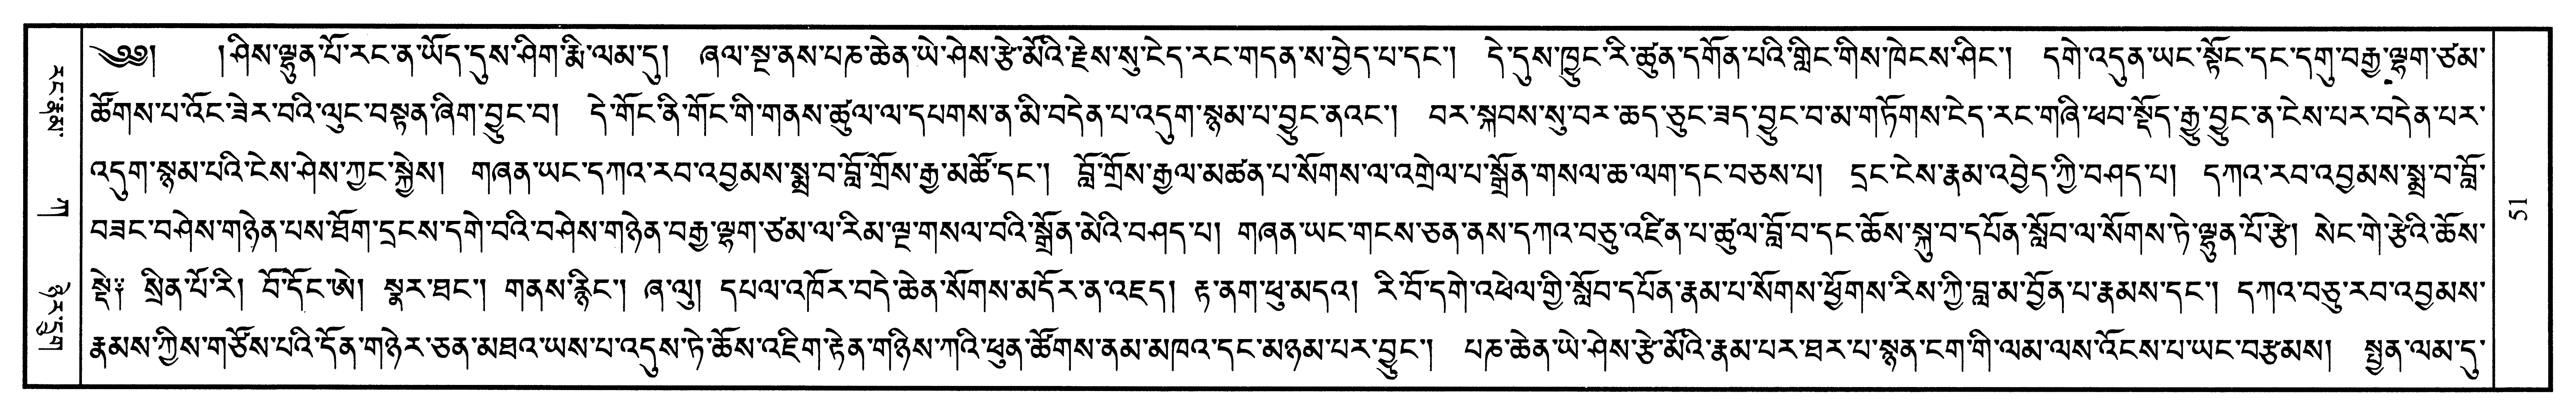༄༅། །ཤིས་ལྷུན་པོ་རང་ན་ཡོད་དུས་ཤིག་རྨི་ལམ་དུ། ཞལ་སྔ་ནས་པཎ་ཆེན་ཡེ་ཤེས་རྩེ་མོའི་རྗེས་སུ་ངེད་རང་གདན་ས་བྱེད་པ་དང་། དེ་དུས་ཁྱུང་རི་ཚུན་དགོན་པའི་གླིང་གིས་ཁེངས་ཤིང་། དགེ་འདུན་ཡང་སྟོང་དང་དགུ་བརྒྱ་ལྷག་ཙམ་
ཚོགས་པ་འོང་ཟེར་བའི་ལུང་བསྟན་ཞིག་བྱུང་བ། དེ་གོང་ནི་གོང་གི་གནས་ཚུལ་ལ་དཔགས་ན་མི་བདེན་པ་འདུག་སྙམ་པ་བྱུང་ནའང་། བར་སྐབས་སུ་བར་ཆད་ཅུང་ཟད་བྱུང་བ་མ་གཏོགས་ངེད་རང་གཞི་ཕབ་སྡོད་རྒྱུ་བྱུང་ན་ངེས་པར་བདེན་པར་
འདུག་སྙམ་པའི་ངེས་ཤེས་ཀྱང་སྐྱེས། གཞན་ཡང་དཀའ་རབ་འབྱམས་སྨྲ་བ་བློ་གྲོས་རྒྱ་མཚོ་དང་། བློ་གྲོས་རྒྱལ་མཚན་པ་སོགས་ལ་འགྲེལ་པ་སྒྲོན་གསལ་ཆ་ལག་དང་བཅས་པ། དྲང་ངེས་རྣམ་འབྱེད་ཀྱི་བཤད་པ། དཀའ་རབ་འབྱམས་སྨྲ་བ་བློ་
བཟང་བཤེས་གཉེན་པས་ཐོག་དྲངས་དགེ་བའི་བཤེས་གཉེན་བརྒྱ་ལྷག་ཙམ་ལ་རིམ་ལྔ་གསལ་བའི་སྒྲོན་མེའི་བཤད་པ། གཞན་ཡང་གངས་ཅན་ནས་དཀའ་བཅུ་འཛིན་པ་ཚུལ་བློ་བ་དང་ཆོས་སྐུ་བ་དཔོན་སློབ་ལ་སོགས་ཏེ་ལྷུན་པོ་རྩེ། སེང་གེ་རྩེའི་ཆོས་
སྡེ༑ སྲིན་པོ་རི། བོ་དོང་ཨེ། སྣར་ཐང་། གནས་རྙིང་། ཞ་ལུ། དཔལ་འཁོར་བདེ་ཆེན་སོགས་མདོར་ན་འཇད། རྟ་ནག་ཕུ་མདའ། རི་བོ་དགེ་འཕེལ་གྱི་སློབ་དཔོན་རྣམ་པ་སོགས་ཕྱོགས་རིས་ཀྱི་བླ་མ་བྱོན་པ་རྣམས་དང་། དཀའ་བཅུ་རབ་འབྱམས་
རྣམས་ཀྱིས་གཙོས་པའི་དོན་གཉེར་ཅན་མཐའ་ཡས་པ་འདུས་ཏེ་ཆོས་འཇིག་རྟེན་གཉིས་ཀའི་ཕུན་ཚོགས་ནམ་མཁའ་དང་མཉམ་པར་བྱུང་། པཎ་ཆེན་ཡེ་ཤེས་རྩེ་མོའི་རྣམ་པར་ཐར་པ་སྙན་ངག་གི་ལམ་ལས་འོངས་པ་ཡང་བརྩམས། སྤྱན་ལམ་དུ་